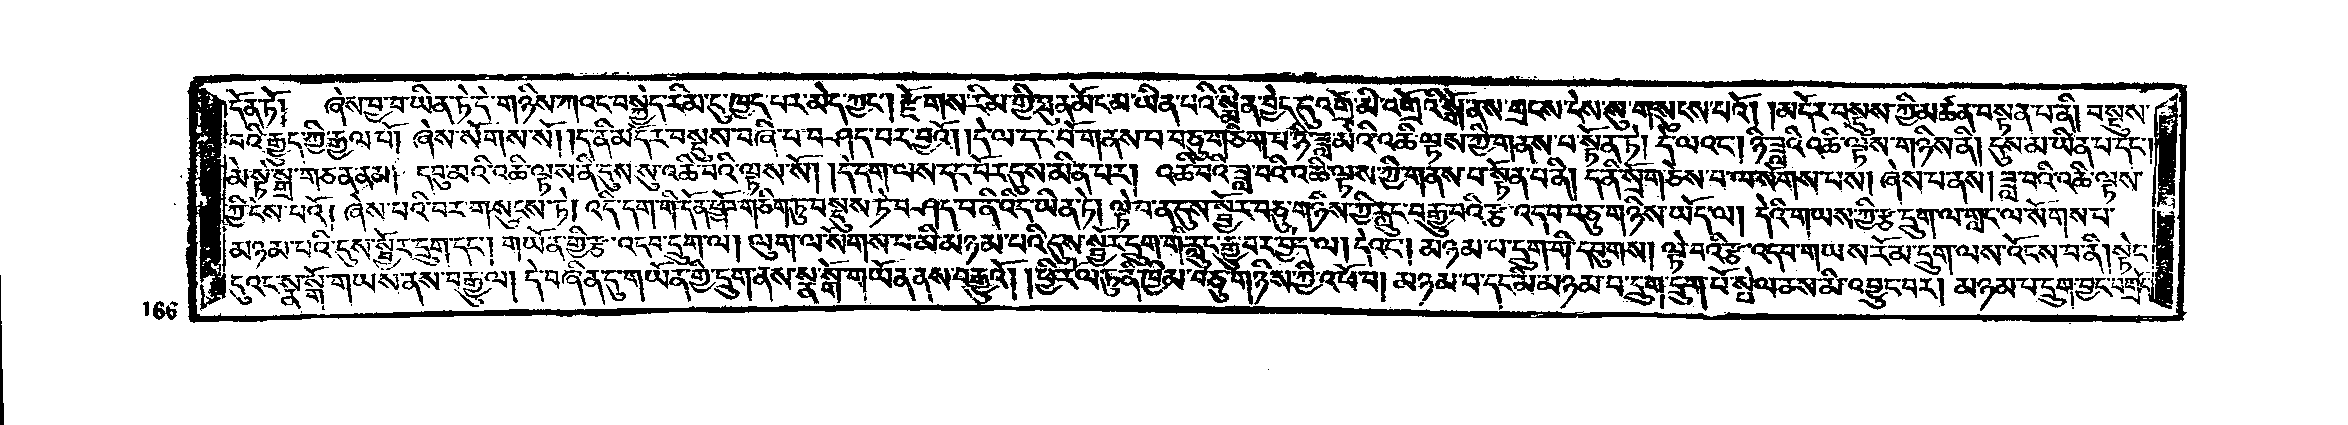དོན་ཏོ། ཞེས་བྱ་བ་ཡིན་ཏེ་དེ་གཉིས་ཀའང་བསྐྱེད་རིམ་དུ་ཁྱད་པར་མེད་ཀྱང་། རྫོགས་རིམ་གྱི་ཐུན་མོང་མ་ཡིན་པའི་སྨིན་བྱེད་དུ་འགྲོ་མི་འགྲོའི་སྒོ་ནས་གྲངས་ངེས་སུ་གསུངས་པའོ། །མདོར་བསྡུས་ཀྱི་མཚན་བསྟན་པ་ནི། བསྡུས་
པའི་རྒྱུད་ཀྱི་རྒྱལ་པོ། ཞེས་སོགས་སོ། །ད་ནི་མདོར་བསྡུས་བཞི་པ་བཤད་པར་བྱའོ། །དེ་ལ་དང་པོ་གནས་པ་བཅུ་གཅིག་པ་ཉི་ཟླ་མེའི་འཆི་ལྟས་ཀྱི་གནས་པ་སྟོན་ཏེ། དེ་ལའང་། ཉི་ཟླའི་འཆི་ལྟས་གཉིས་ནི། དུས་མ་ཡིན་པ་དང་།
མེ་སྟེ་སྒྲ་གཅན་ནམ། དབུ་མའི་འཆི་ལྟས་ནི་དུས་སུ་འཆི་བའི་ལྟས་སོ། །དེ་དག་ལས་དང་པོར་དུས་མིན་པར། འཆི་བའི་ཟླ་བའི་འཆི་ལྟས་ཀྱི་གནས་པ་སྟོན་པ་ནི། ད་ནི་སྲོག་ཅེས་པ་ལ་སོགས་པས། ཞེས་པ་ནས། ཟླ་བའི་འཆི་ལྟས་
ཀྱི་ངེས་པའོ། ཞེས་པའི་བར་གསུངས་ཏེ། འདི་དག་གི་དོན་ཕྱོགས་གཅིག་ཏུ་བསྡུས་ཏེ་བཤད་པ་ནི་འདི་ཡིན་ཏེ། ལྟེ་བ་ན་དུས་སྦྱོར་བཅུ་གཉིས་ཀྱི་རླུང་བརྒྱུ་བའི་རྩ་འདབ་བཅུ་གཉིས་ཡོད་ལ། དེའི་གཡས་ཀྱི་རྩ་དྲུག་ལ་གླང་ལ་སོགས་པ་
མཉམ་པའི་དུས་སྦྱོར་དྲུག་དང་། གཡོན་གྱི་རྩ་འདབ་དྲུག་ལ། ལུག་ལ་སོགས་པ་མི་མཉམ་པའི་དུས་སྦྱོར་དྲུག་གི་རླུང་རྒྱུ་བར་བྱེད་ལ། དེའང་། མཉམ་པ་དྲུག་གི་དབུགས། ལྟེ་བའི་རྩ་འདབ་གཡས་རོ་མ་དྲུག་ལས་འོངས་བ་ནི། སྟེང་དུའང་སྣ་སྒོ་གཡས་ནས་བརྒྱུ་ལ། དེ་བཞིན་དུ་གཡོན་གྱི་དྲུག་ནས་སྣ་སྒོ་གཡོན་ནས་བརྒྱུའོ། །ཕྱི་རོལ་ཏུ་ནི་ཁྱིམ་བཅུ་གཉིས་ཀྱི་འཕོ་བ། མཉམ་པ་དང་མི་མཉམ་པ་དྲུག་དྲུག་པོ་སྤེལ་ནས་མི་འབྱུང་བར། མཉམ་པ་དྲུག་བྱང་བགྲོད་